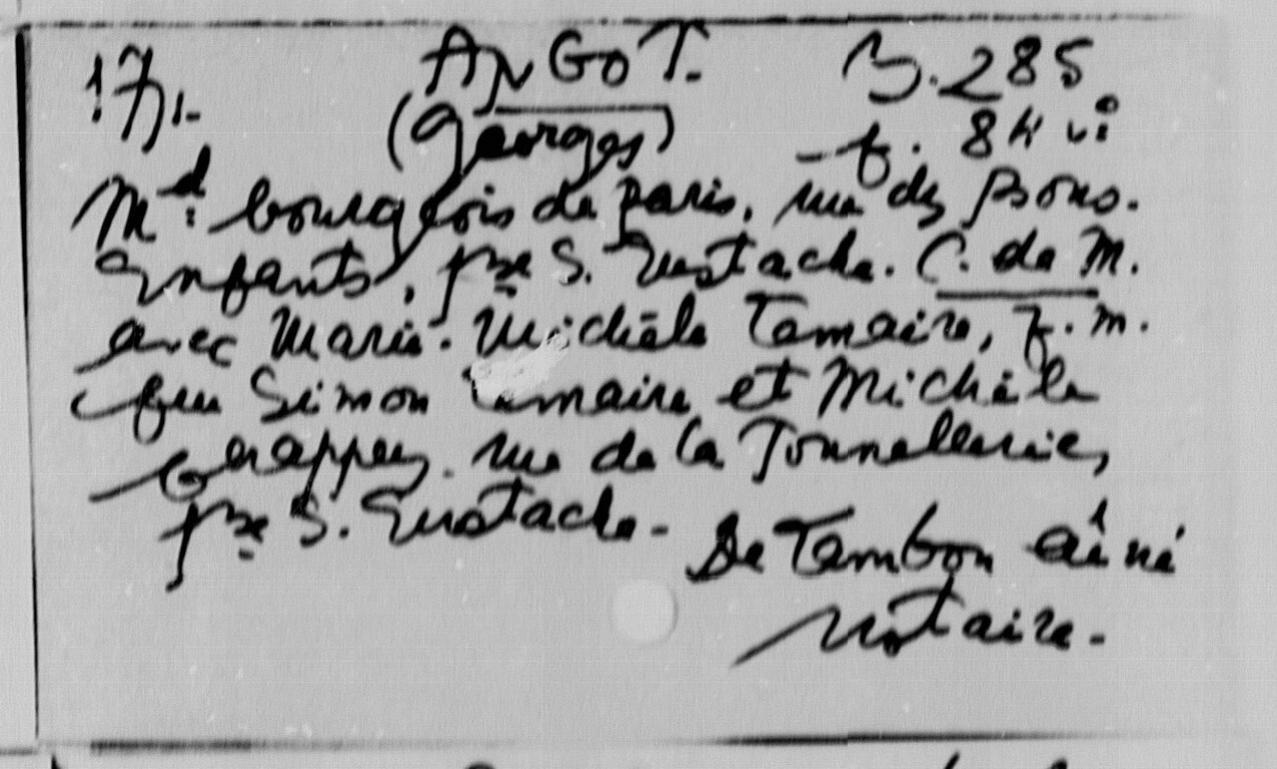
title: ANGOT (Georges)
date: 1711
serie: Y
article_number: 285
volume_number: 84v
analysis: Marchand, bourgeois de Paris, rue des Bons-Enfants, paroisse Saint-Eustache. Contrat de mariage avec Marie-Michèle LEMAIRE, fille majeure feu Simon LEMAIRE et Michèle CHAPPEY, rue de la Tonnellerie, paroisse Saint-Eustache. De Lambon aîné, notaire.
